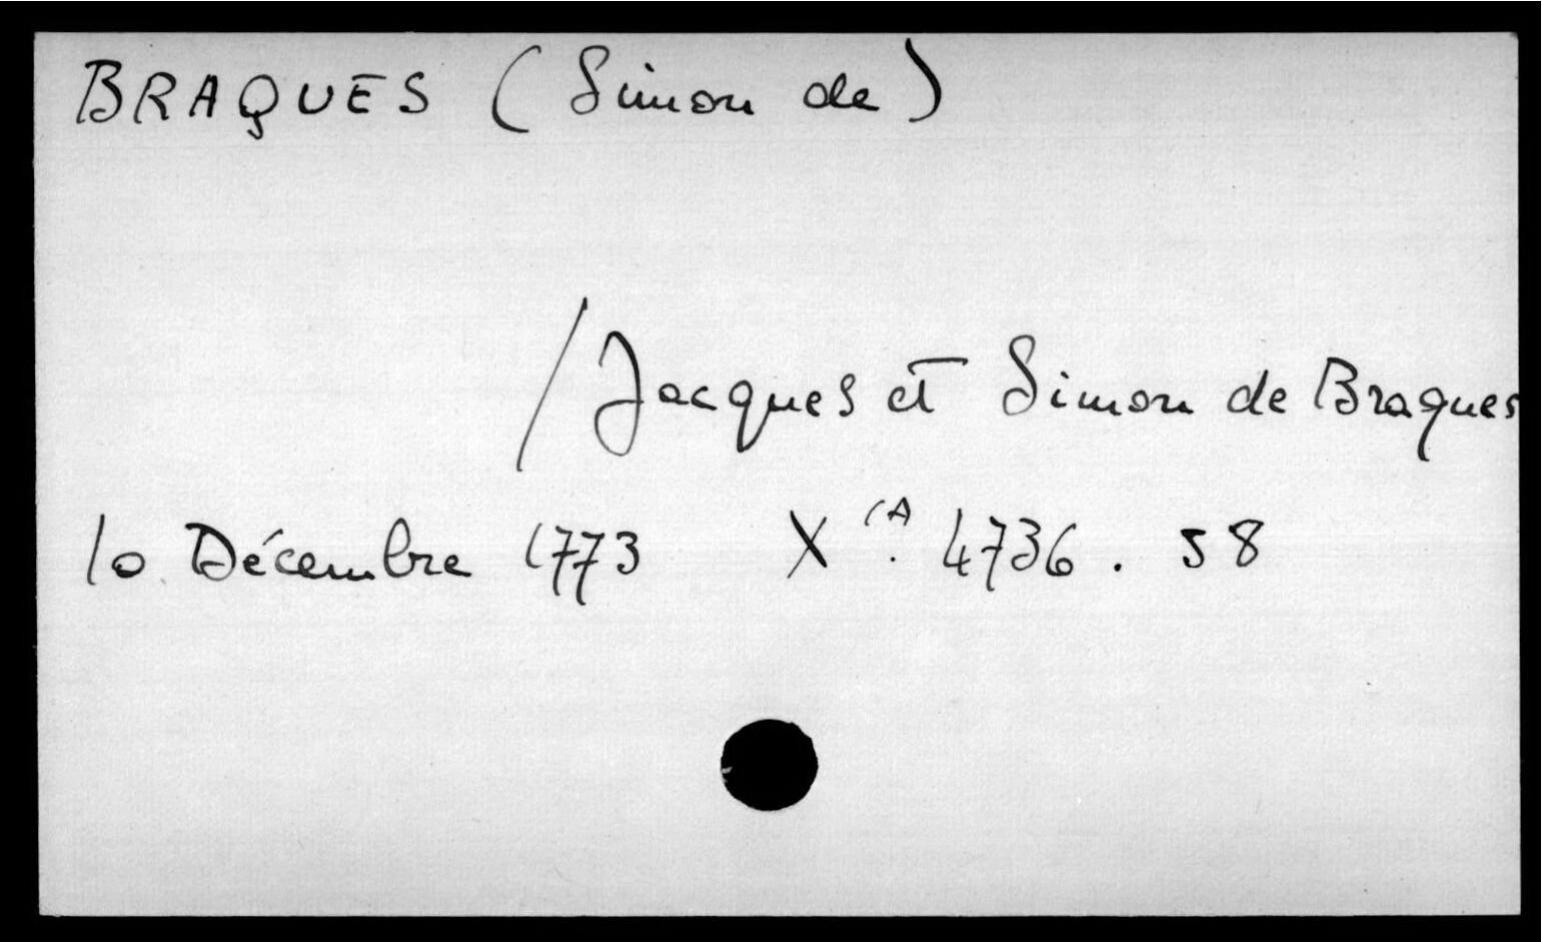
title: BRAQUES (Simon de)
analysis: Contre Jacques et Simon de Braques
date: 10 décembre 1773
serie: X1A
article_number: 4736
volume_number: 58
